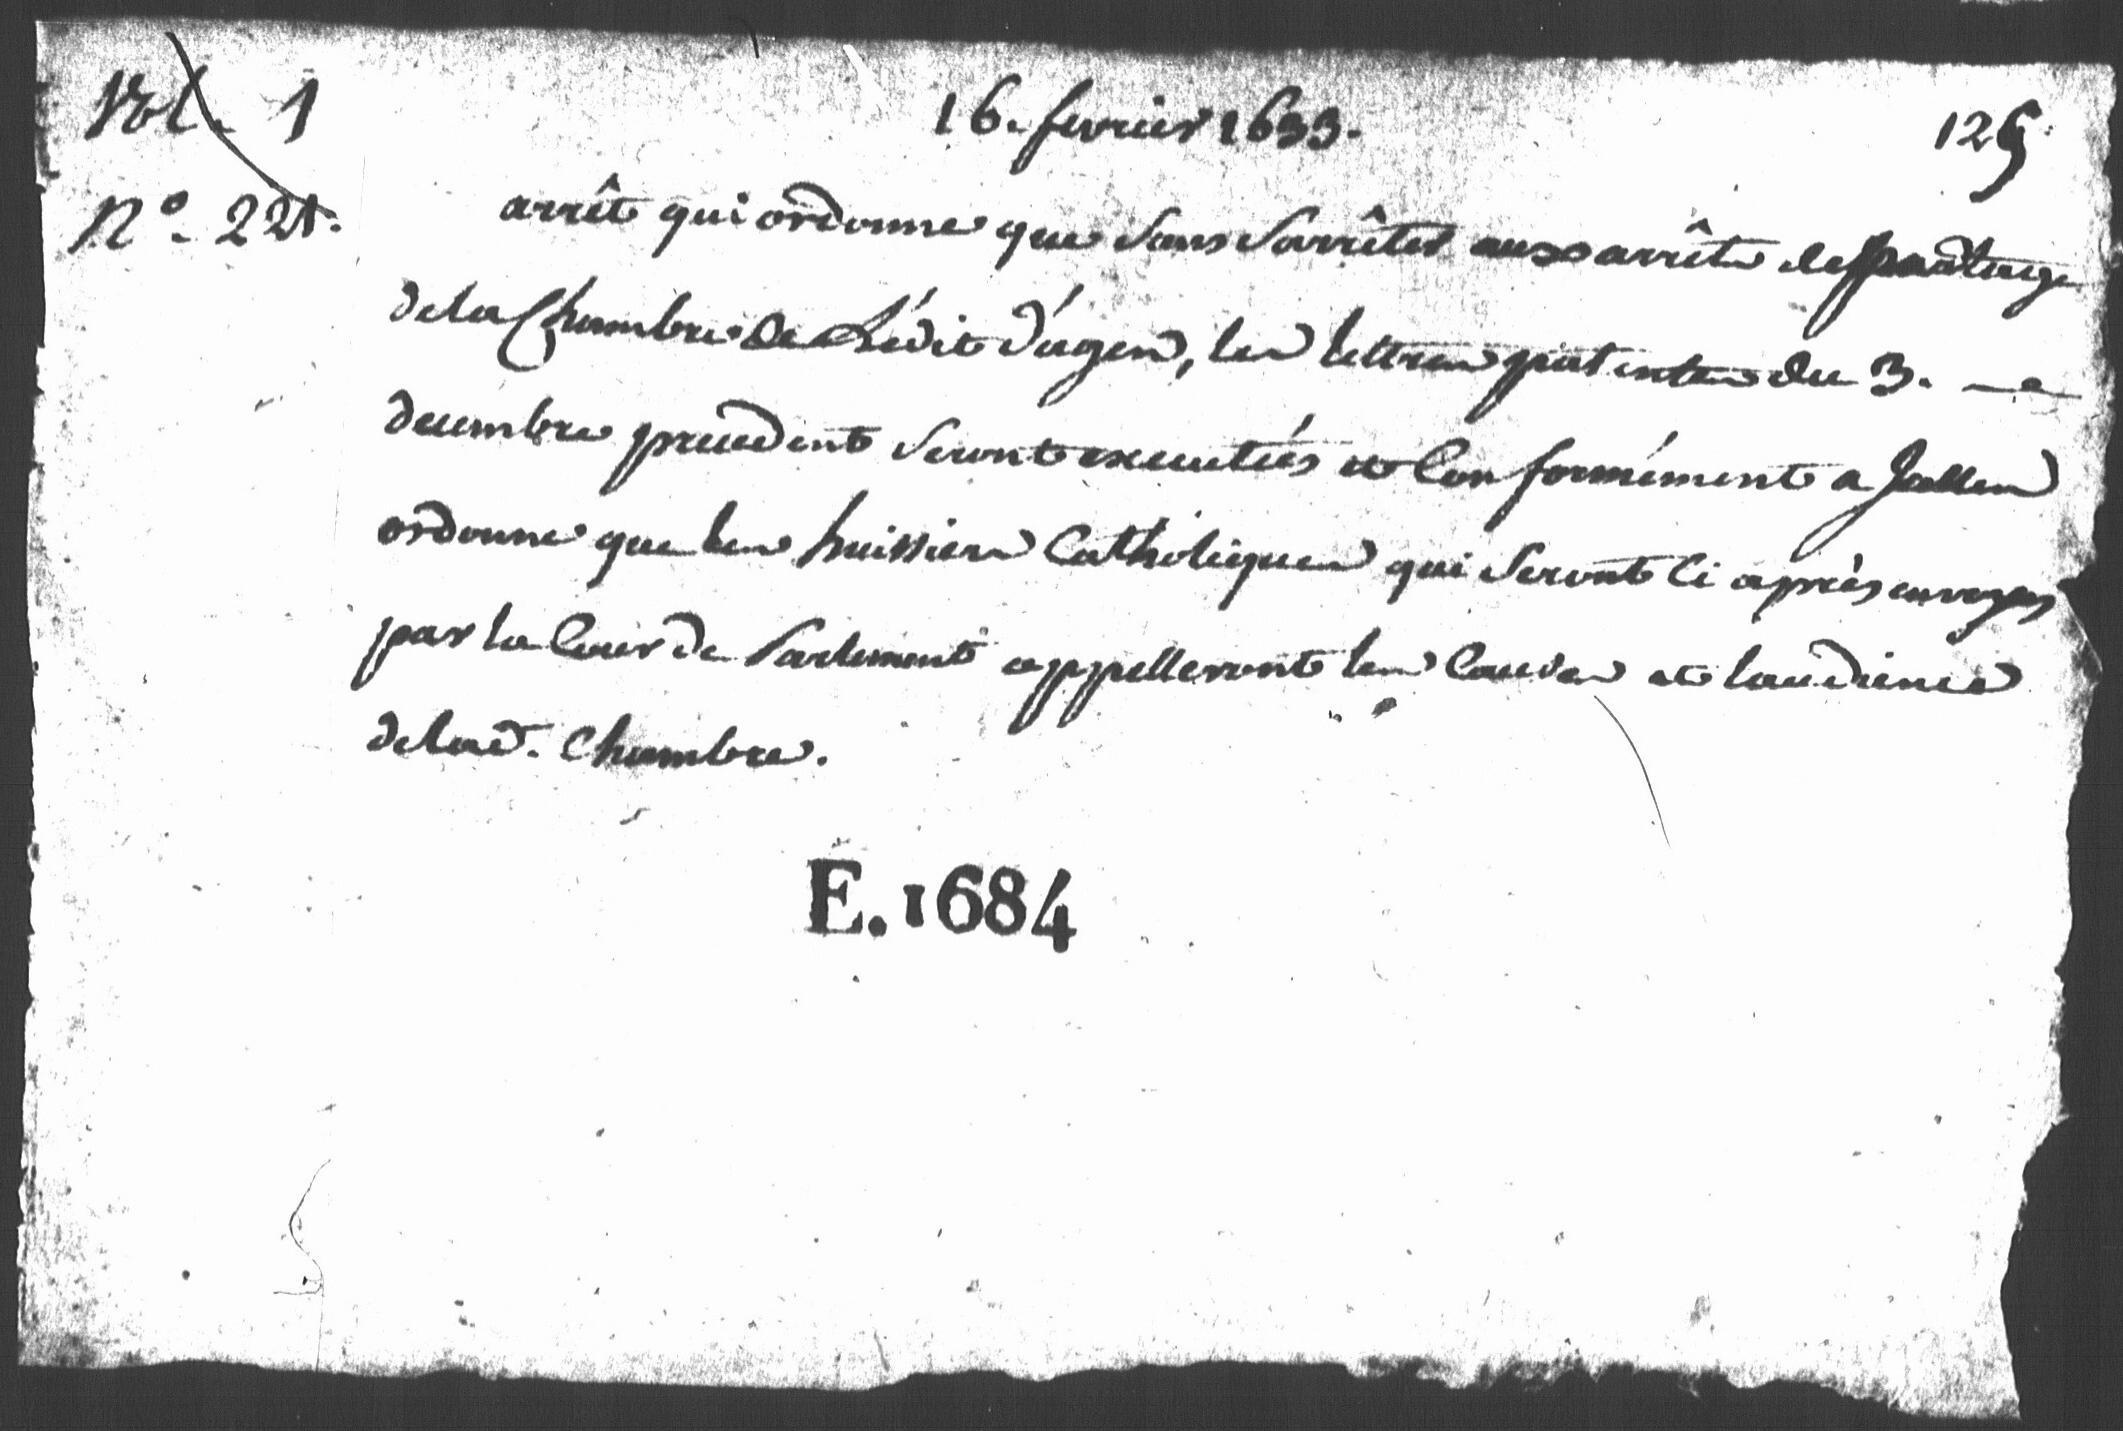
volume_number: n°221
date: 16 février 1633
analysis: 125
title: arrêt qui ordonne que sans s'arrêter aux arrêts de partage de la Chambre de l'edit d'agen, les lettres patentes du 3 decembre precedent seront executées et conformement a icelles ordonne que les huissiers catholiques qui seront ci après envoyes par la Cour de Parlement appelleront les causes et l'audience delad. chambre
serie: E
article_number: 1684
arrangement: vol. 1
